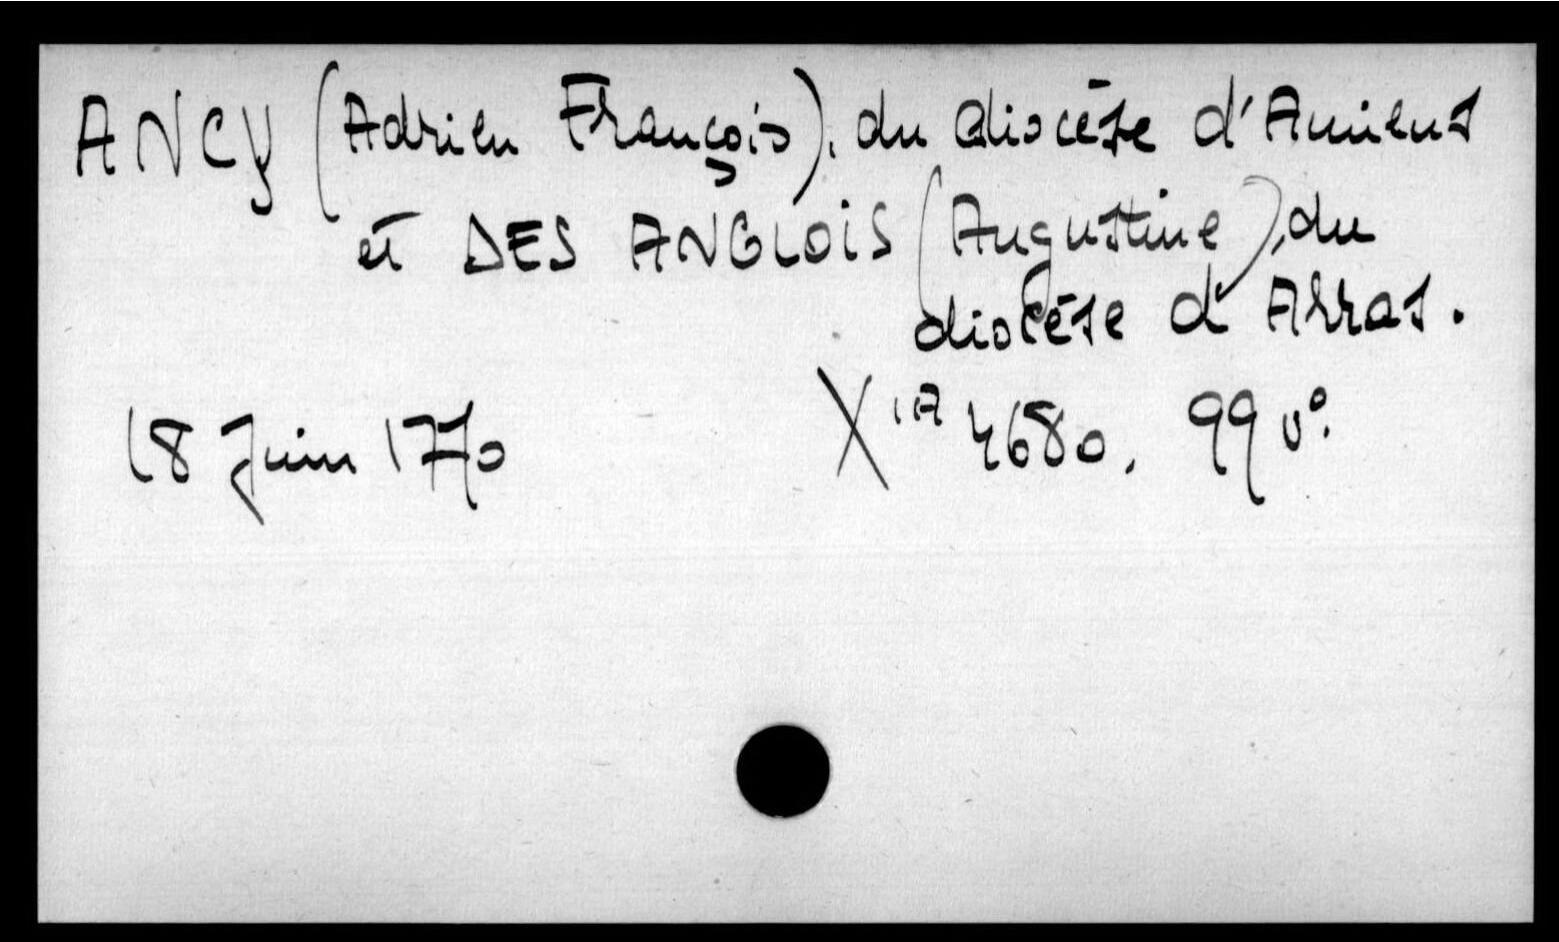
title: ANCY (Adrien François), du diocèse d'Amiens et DES ANGLOIS (Augustine), du diocèse d'Arras
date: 18 juin 1770
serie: X1A
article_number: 4680
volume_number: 99 v°
